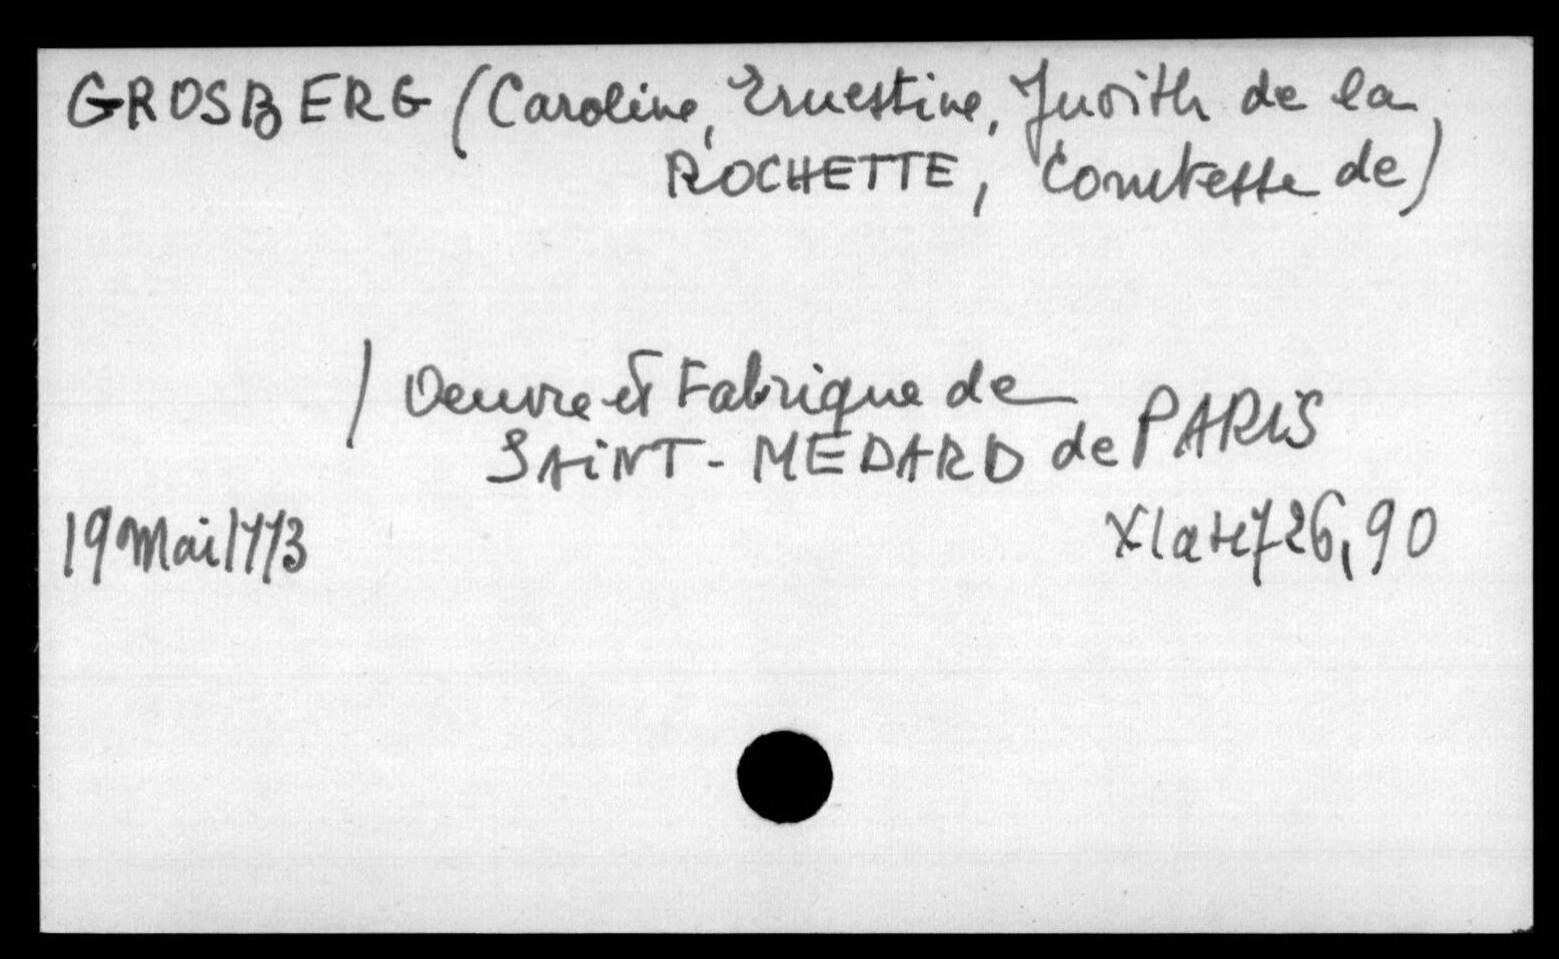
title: GROSBERG (Caroline, Ernestine, Judith de la ROCHETTE, comtesse de)
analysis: Contre Œuvre et Fabrique de SAINT-MEDARD de Paris
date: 19 mai 1773
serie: X1a
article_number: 4726
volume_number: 90
